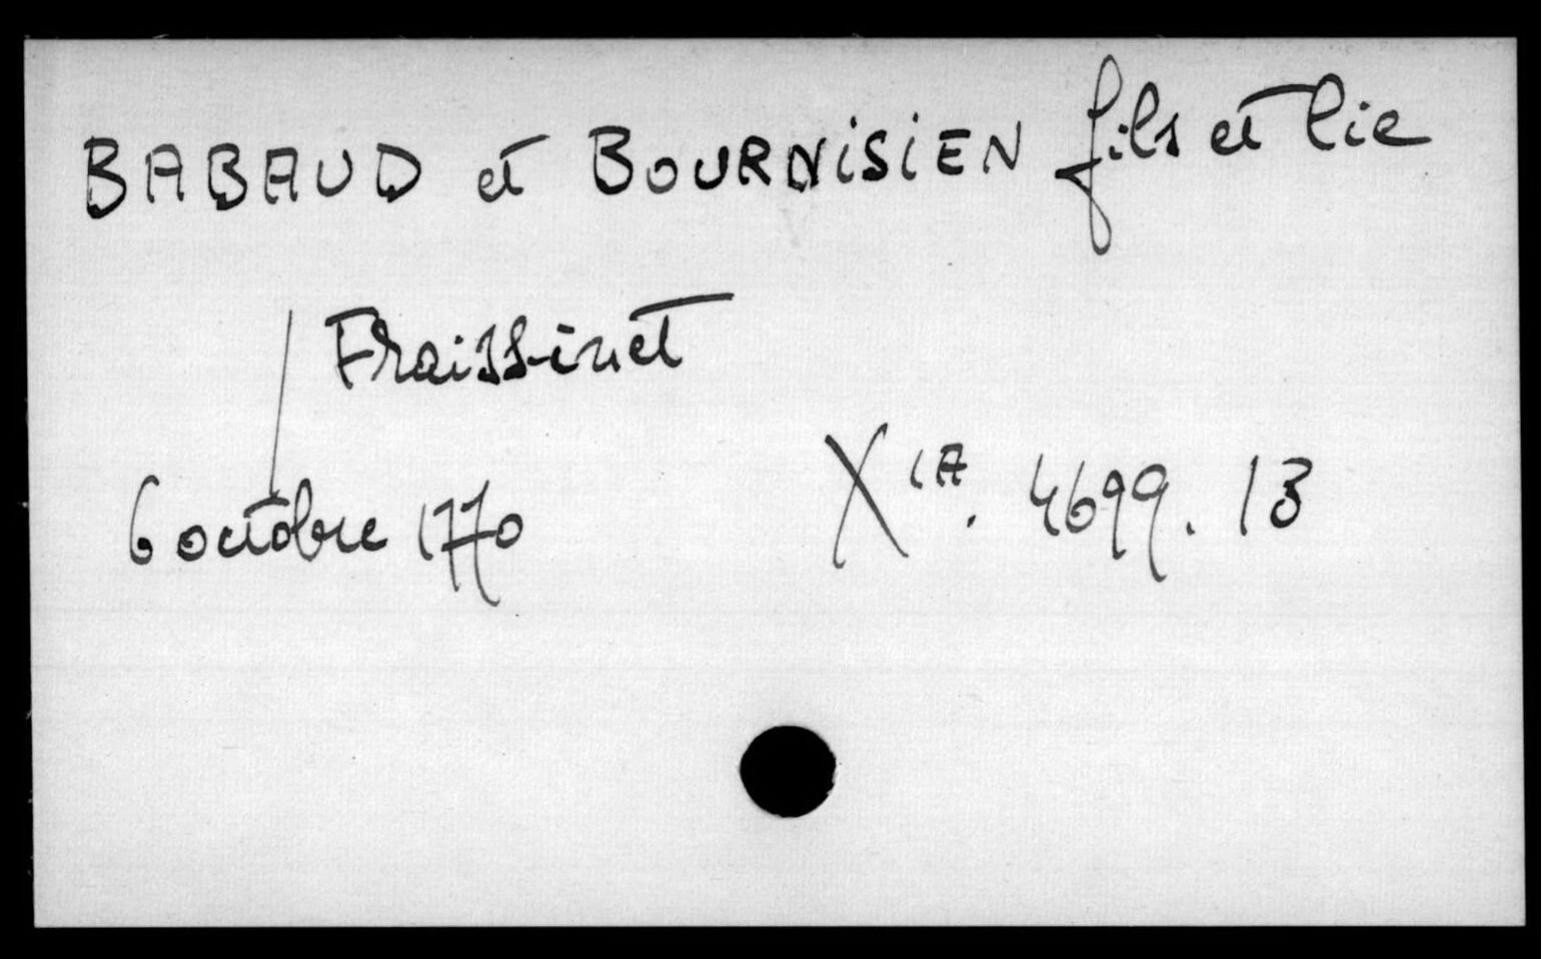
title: BABAUD et BOURNISIEN fils et Compagnie
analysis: Contre Fraissinet
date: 6 octobre 1770
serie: X1A
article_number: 4699
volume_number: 13
